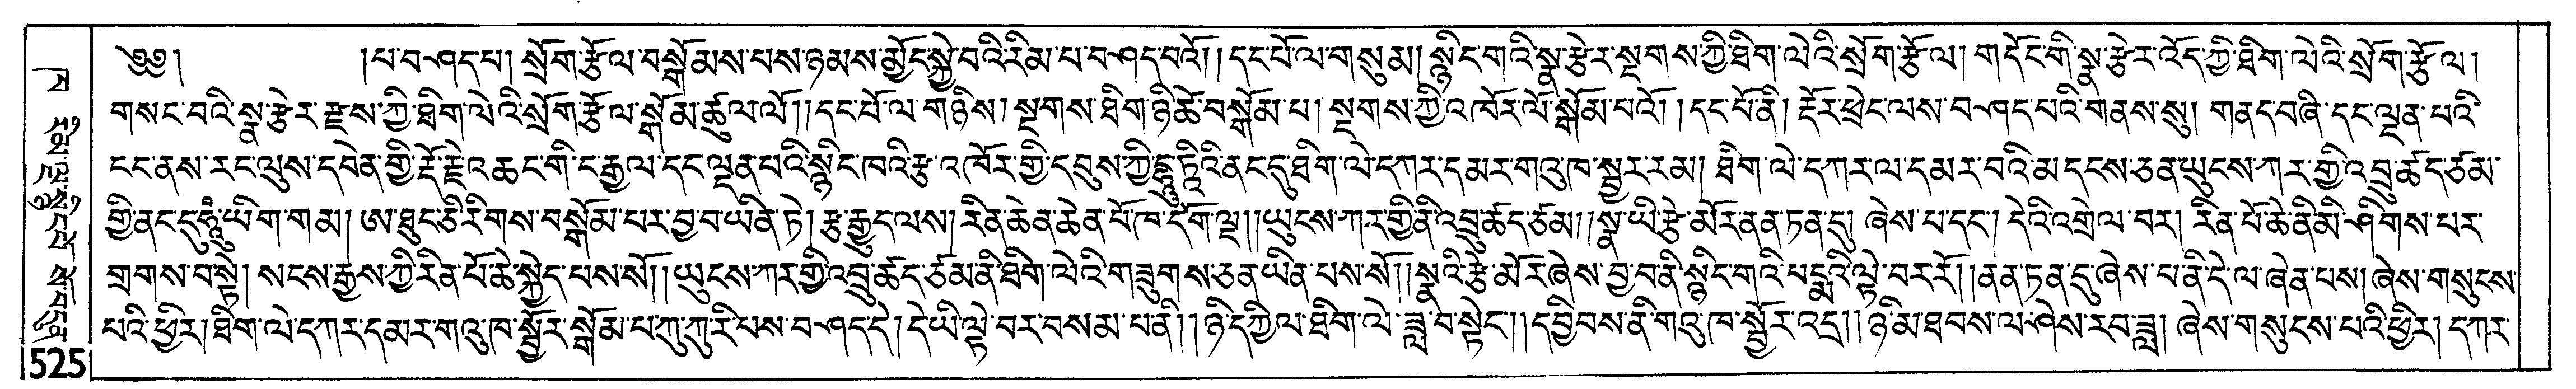༄༅། །པ་བཤད་པ། སྲོག་རྩོལ་བསྒོམས་པས་ཉམས་མྱོང་སྐྱེ་བའི་རིམ་པ་བཤད་པའོ། །དང་པོ་ལ་གསུམ། སྙིང་གའི་སྣ་རྩེར་སྔགས་ཀྱི་ཐིག་ལེའི་སྲོག་རྩོལ། གདོང་གི་སྣ་རྩེར་འོད་ཀྱི་ཐིག་ལེའི་སྲོག་རྩོལ།
གསང་བའི་སྣ་རྩེར་རྫས་ཀྱི་ཐིག་ལེའི་སྲོག་རྩོལ་སྒོམ་ཚུལ་ལོ། །དང་པོ་ལ་གཉིས། སྔགས་ཐིག་ཉི་ཚེ་བསྒོམ་པ། སྔགས་ཀྱི་འཁོར་ལོ་སྒོམ་པའོ། །དང་པོ་ནི། རྡོར་ཕྲེང་ལས་བཤད་པའི་གནས་སུ། གནད་བཞི་དང་ལྡན་པའི་
ངང་ནས་རང་ལུས་དབེན་གྱི་རྡོ་རྗེ་འཆང་གི་ང་རྒྱལ་དང་ལྡན་པའི་སྙིང་ཁའི་རྩ་འཁོར་གྱི་དབུས་ཀྱི་དྷཱུ་ཏཱིའི་ནང་དུ་ཐིག་ལེ་དཀར་དམར་གའུ་ཁ་སྦྱར་རམ། ཐིག་ལེ་དཀར་ལ་དམར་བའི་མདངས་ཅན་ཡུངས་ཀར་གྱི་འབྲུ་ཚད་ཙམ་
གྱི་ནང་དུ་ཧཱུཾ་ཡིག་གམ། ཨ་ཐུང་ཅི་རིགས་བསྒོམ་པར་བྱ་བ་ཡིན་ཏེ། རྩ་རྒྱུད་ལས། རིན་ཆེན་ཆེན་པོ་ཁ་དོག་ལྔ། །ཡུངས་ཀར་གྱི་ནི་འབྲུ་ཚད་ཙམ། །སྣ་ཡི་རྩེ་མོར་ནན་ཏན་དུ། ཞེས་པ་དང་། དེའི་འགྲེལ་བར། རིན་པོ་ཆེ་ནི་མི་ཤིགས་པར་
གྲགས་པ་སྟེ། སངས་རྒྱས་ཀྱི་རིན་པོ་ཆེ་སྐྱེད་པས་སོ། །ཡུངས་ཀར་གྱི་འབྲུ་ཚད་ཙམ་ནི་ཐིག་ལེའི་གཟུགས་ཅན་ཡིན་པས་སོ། །སྣའི་རྩེ་མོར་ཞེས་བྱ་བ་ནི་སྙིང་གའི་པདམའི་ལྟེ་བར་རོ། །ནན་ཏན་དུ་ཞེས་པ་ནི་དེ་ལ་ཞེན་པས། ཞེས་གསུངས་
པའི་ཕྱིར། ཐིག་ལེ་དཀར་དམར་གའུ་ཁ་སྦྱོར་སྒོམ་པ་ཀུ་ཀུ་རི་པས་བཤད་དེ། དེ་ཡི་ལྟེ་བར་བསམ་པ་ནི། །ཉི་དཀྱིལ་ཐིག་ལེ་ཟླ་བ་སྟེང་། །དབྱིབས་ནི་གའུ་ཁ་སྦྱོར་འདྲ། །ཉི་མ་ཐབས་ལ་ཤེས་རབ་ཟླ། ཞེས་གསུངས་པའི་ཕྱིར། དཀར་